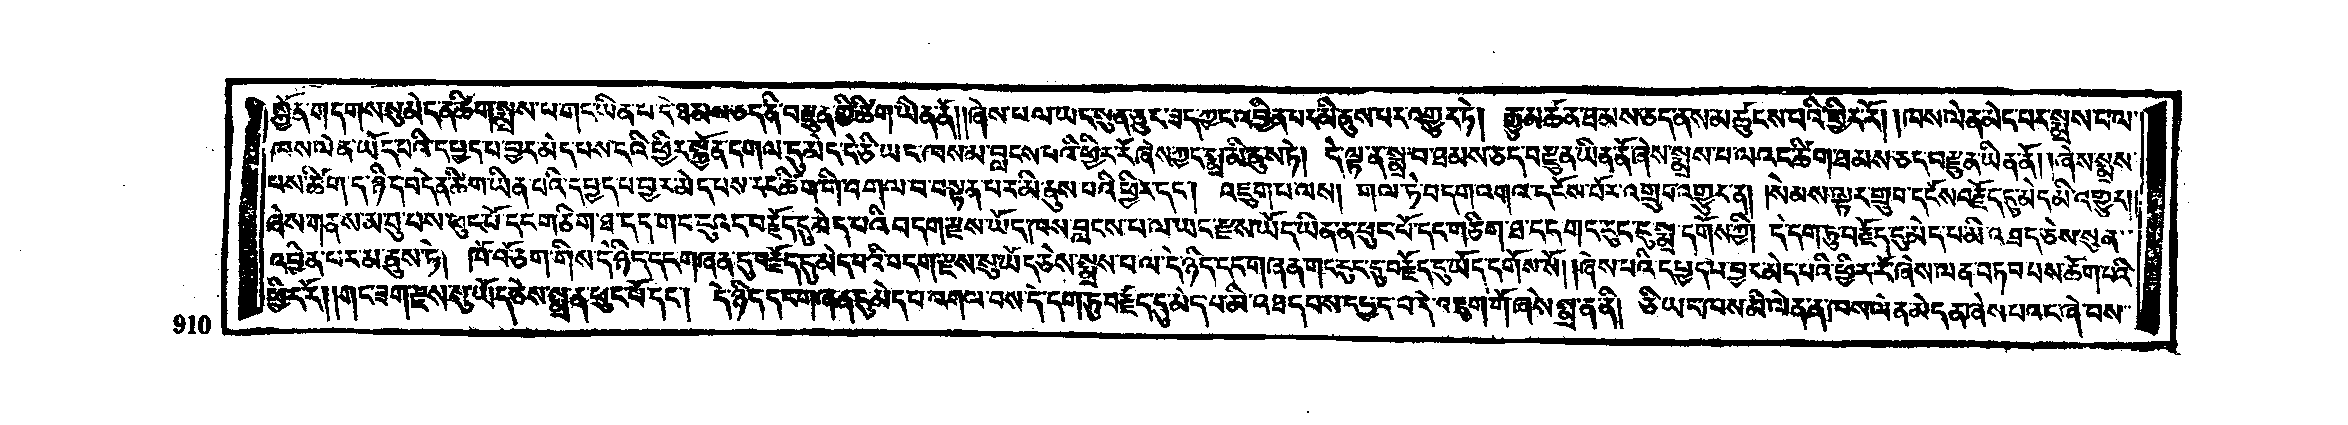སྐྱོན་གདགས་སུ་མེད་ན་ཚིག་སྨྲས་པ་གང་ཡིན་པ་དེ་ཐམས་ཅད་ནི་བརྫུན་གྱི་ཚིག་ཡིན་ནོ། །ཞེས་པ་ལ་ཡང་སུན་ཅུང་ཟད་ཀྱང་འབྱིན་པར་མི་ནུས་པར་འགྱུར་ཏེ། རྒྱུ་མཚན་ཐམས་ཅད་ནས་མཚུངས་པའི་ཕྱིར་རོ། །ཁས་ལེན་མེད་པར་སྨྲས་པ་ལ་
ཁས་ལེན་ཡོད་པའི་དཔྱད་པ་བྱར་མེད་པས་དའི་ཕྱིར་སྐྱོན་དགལ་དུ་མེད་དེ་ཅི་ཡང་ཁས་མ་བླངས་པའི་ཕྱིར་རོ་ཞེས་ཀྱང་སྨྲ་མི་ནུས་ཏེ། དེ་ལྟ་ན་སྨྲ་བ་ཐམས་ཅད་བརྫུན་ཡིན་ནོ་ཞེས་སྨྲས་པ་ལའང་ཚིག་ཐམས་ཅད་བརྫུན་ཡིན་ནོ། །ཞེས་སྨྲས་
པས་ཚིག་དེ་ཉིད་བདེན་ཚིག་ཡིན་པའི་དཔྱད་པ་བྱར་མེད་པས་རང་ཚིག་གི་འགལ་བ་བསྟན་པར་མི་ནུས་པའི་ཕྱིར་དང་། འཇུག་པ་ལས། གལ་ཏེ་བདག་འགའ་དངོས་པོར་འགྲུབ་འགྱུར་ན། །སེམས་ལྟར་གྲུབ་དངོས་བརྗོད་དུ་མེད་མི་འགྱུར། །
ཞེས་གནས་མ་བུ་པས་ཕུང་པོ་དང་གཅིག་ཐ་དད་གང་དུའང་བརྗོད་དུ་མེད་པའི་བདག་རྫས་ཡོད་ཁས་བླངས་པ་ལ་ཡང་རྫས་ཡོད་ཡིན་ན་ཕུང་པོ་དང་གཅིག་ཐ་དད་གང་རུང་དུ་སྨྲ་དགོས་ཀྱི། དེ་དག་ཏུ་བརྗོད་དུ་མེད་པ་མི་འཐད་ཅེས་སུན་
འབྱིན་པར་མི་ནུས་ཏེ། ཁོ་བོ་ཅག་གིས་དེ་ཉིད་དང་གཞན་དུ་བརྗོད་དུ་མེད་པའི་བདག་རྫས་སུ་ཡོད་ཅེས་སྨྲས་པ་ལ་དེ་ཉིད་དང་གཞན་གང་རུང་དུ་བརྗོད་དུ་ཡོད་དགོས་སོ། །ཞེས་པའི་དཔྱད་པ་བྱར་མེད་པའི་ཕྱིར་རོ་ཞེས་ལན་བཏབ་པས་ཆོག་པའི་
ཕྱིར་རོ། །གང་ཟག་རྫས་སུ་ཡོད་ཅེས་སྨྲ་ན་ཕུང་པོ་དང་། དེ་ཉིད་དང་གཞན་དུ་མེད་པ་འགལ་བས་དེ་དག་ཏུ་བརྗོད་དུ་མེད་པ་མི་འཐད་པས་དཔྱད་པ་དེ་འཇུག་གོ་ཞེས་སྨྲ་ན་ནི། ཅི་ཡང་ཁས་མི་ལེན་མེད་དོ་ཞེས་པའང་ཞེ་བས་